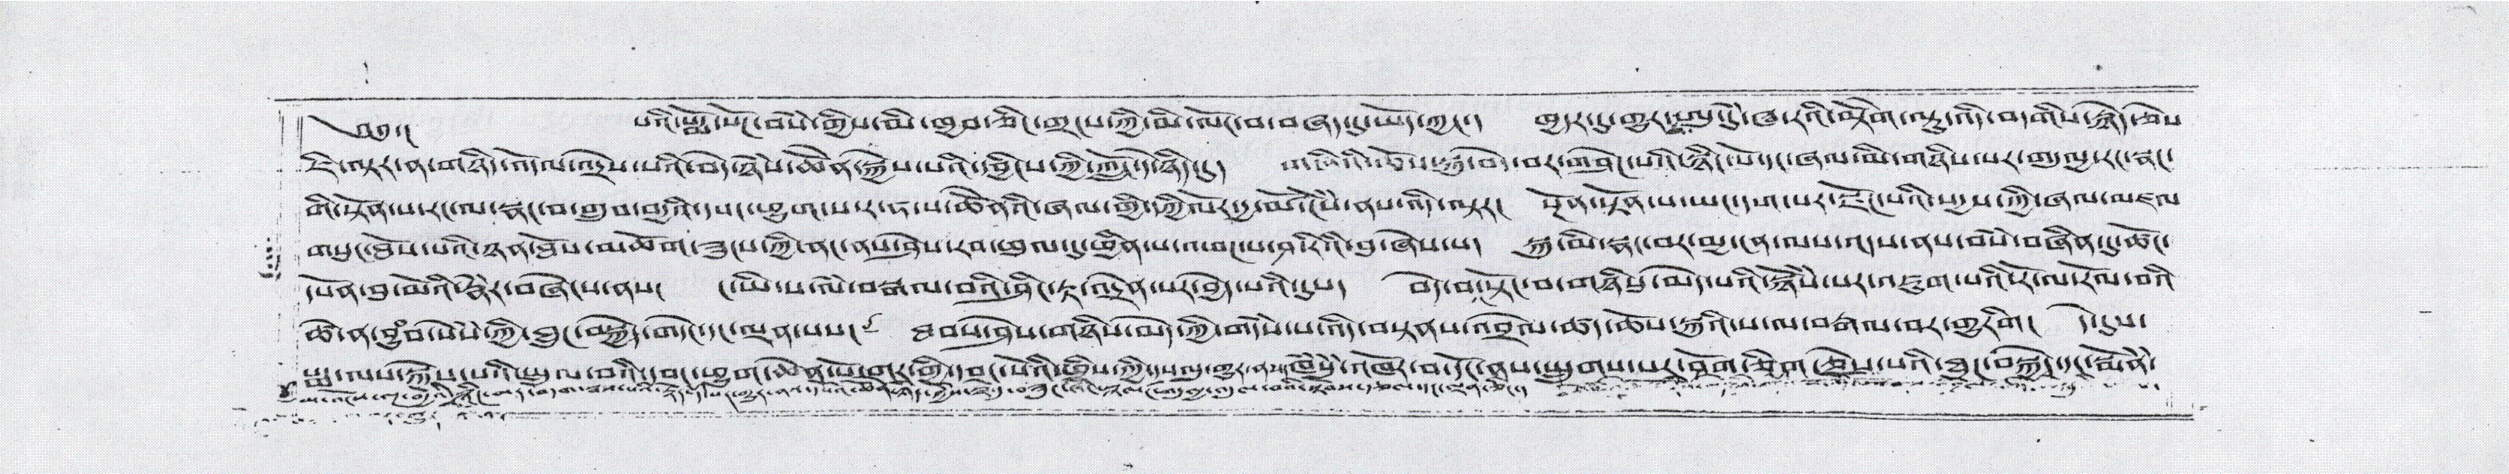པའི་པདྨོ་སོགས་བསམ་གྱིས་མི་ཁྱབ་ཅིང་གྲངས་ཀྱི་མི་ལོང་བ་བཞད་དུ་ཡོད་ཀྱང། ཁྱད་པར་དུ་གྱུར་བ་ཨུ་དུམ་ཝ་རའི་མེ་ཏོག་ལྟ་བུ་འདི་བདག་གིས་རྙེད་ཅེས་
ཇི་ལྟར་ན་གཉིད་འདོལ་འདྲེས་པའི་བདེ་ཉམས་ཆེན་པོ་སྐྱེས་པའི་དབྱིངས་ཀྱི་ཀློང་དེ་ཉིད་དུ། གཞིའི་ཆོས་སྐུ་བདེ་བར་གཤེགས་པའི་སྙིང་པོ་དང་ཞལ་མི་གཉིས་པར་གདུལ་བྱ་རང་སྣང་
གི་སྟོན་པ་རང་ལ་སྣང་བ་གྲུབ་བརྒྱའི་དབང་ཕྱུག་ས་ར་ཧ་ས་ཆེན་པའི་ཞལ་གྱི་དཀྱིལ་འཁོར་རྒྱ་མཚོ་ངོམས་ནས་འདི་ལྟར། སྔོན་སྟོན་པ་ཡང་དག་པར་རྫོགས་པའི་སངས་རྒྱས་ཀྱི་ཞལ་མཇལ་
གསུང་ཐོས་པའི་ཉན་ཐོས་མཆོག་ཟུངས་ཀྱི་ནང་ནས་ཤེས་རབ་ཕུལ་དུ་ཕྱིན་པ་འཕགས་པ་ཤ་རིའི་བུ་ཞེས་པ། སྐུ་མི་སྣང་བར་མྱ་ངན་ལས་འདས་ནས་བསམ་བཞིན་དུ་ཚོང་
དཔོན་བུ་མོའི་རྣམ་པར་བཞེངས་ནས། ང་ཡི་ས་ལམ་བསྒལ་བའི་ཤིང་རྟ་འདྲེན་པར་བྱེད་པའི་དུས། བདེ་བ་དང་སྟོང་བ་གཉིས་སུ་མེད་པའི་སྙོམས་པར་འཇུག་པའི་རོ་ལ་རོལ་བའི་
ཚེ་ན་བྱང་ཆུབ་སེམས་ཀྱི་ཐུགས་བསྐྱེད་གདེང་དང་ལྡན་པས། མ་འོངས་ལྔ་བརྒྱའི་སྙིགས་མར་བདག་སྦས་པའི་སྣོད་དམ་པར་གྱུར་ནས་༼འདི་ནས་མར་ཡི་གེ་གསལ་པོར་མེད་པས་མ་བྲིས།༽ཐབས་ཤེས་གཉིས་མེད་ཀྱི་གདམས་པ་འདི་བསྟན་ནས་འབྲེལ་ཚད་ཆོས་སྐུའི་ས་ལ་བརྒལ་བར་གྱུར་ཅིག དེ་དུས་
པདྨ་ལས་སྐྱེས་པའི་སྤྲུལ་པའི་དབང་ཕྱུག་ཆེན་པོ་གར་གྱི་དབང་པོའི་ཕྲིན་ལས་ཀྱི་དཔལ་དུ་གྱུར་ནས། ཁམས་གསུམ་འཁོར་བ་དོང་ནས་སྤྲུགས་པར་ཤོག་ཅིག་ཅེས་པའི་ཐུགས་བསྐྱེད་དང་སྨོན་ལམ་